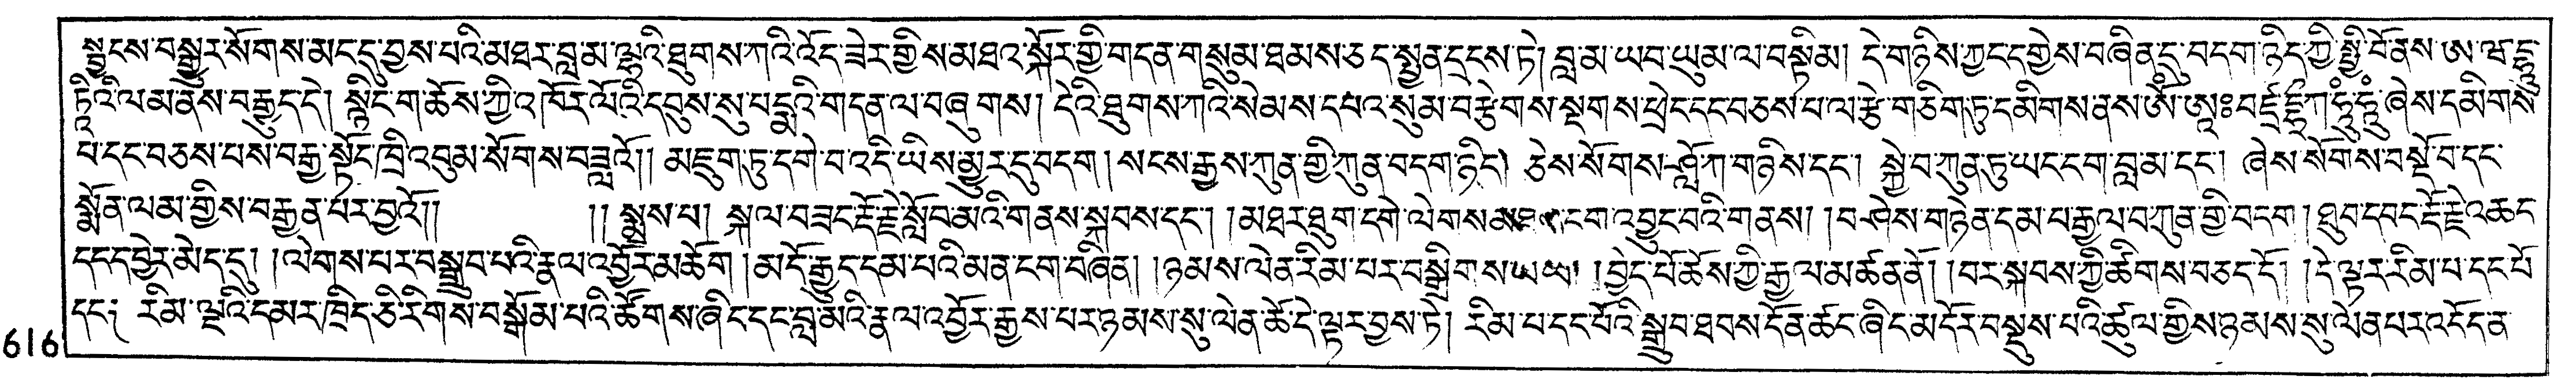སྦྱངས་བསྒྱུར་སོགས་མང་དུ་བྱས་པའི་མཐར་བླ་མ་ལྷའི་ཐུགས་ཀའི་འོད་ཟེར་གྱིས་མཐའ་སྐོར་གྱི་གདན་གསུམ་ཐམས་ཅད་སྤྱན་དྲངས་ཏེ། བླ་མ་ཡབ་ཡུམ་ལ་བསྟིམ། དེ་གཉིས་ཀྱང་དགྱེས་བཞིན་དུ་བདག་ཉིད་ཀྱི་སྤྱི་བོ་ནས་ཨ་ཝ་དྷཱུ་
ཏཱིའི་ལམ་ནས་བརྒྱུད་དེ། སྙིང་ག་ཆོས་ཀྱི་འཁོར་ལོའི་དབུས་སུ་པདམའི་གདན་ལ་བཞུགས། དེའི་ཐུགས་ཀའི་སེམས་དཔའ་སུམ་བརྩེགས་སྔགས་ཕྲེང་དང་བཅས་པ་ལ་རྩེ་གཅིག་ཏུ་དམིགས་ནས་ཨོཾ་ཨཱཿ བཛྲ་དྷྲྀ་ཀ་ཧཱུཾ་ཧཱུཾ་ཞེས་དམིགས་
པ་དང་བཅས་པས་བརྒྱ་སྟོང་ཁྲི་འབུམ་སོགས་བཟླའོ། །མཇུག་ཏུ་དགེ་བ་འདི་ཡིས་མྱུར་དུ་བདག །སངས་རྒྱས་ཀུན་གྱི་ཀུན་བདག་ཉིད། ཅེས་སོགས་ཤློ་ཀ་གཉིས་དང་། སྐྱེ་བ་ཀུན་ཏུ་ཡང་དག་བླ་མ་དང་། ཞེས་སོགས་བསྔོ་བ་དང་
སྨོན་ལམ་གྱིས་བརྒྱན་པར་བྱའོ།། །།སྨྲས་པ། སྐལ་བཟང་རྡོ་རྗེ་སློབ་མའི་གནས་སྐབས་དང་། །མཐར་ཐུག་དགེ་ལེགས་མཐའ་དག་འབྱུང་བའི་གནས། །བཤེས་གཉེན་དམ་པ་རྒྱལ་བ་ཀུན་གྱི་བདག །ཐུབ་དབང་རྡོ་རྗེ་འཆང་
དང་དབྱེར་མེད་དུ། །ལེགས་པར་བསྒྲུབ་པའི་རྣལ་འབྱོར་མཆོག །མདོ་རྒྱུད་དམ་པའི་མན་ངག་བཞིན། །ཉམས་ལེན་རིམ་པར་བསྒྲིགས་པ་ཡི། །བྱེད་པོ་ཆོས་ཀྱི་རྒྱལ་མཚན་ནོ། །བར་སྐབས་ཀྱི་ཚིགས་བཅད་དོ། །དེ་ལྟར་རིམ་པ་དང་པོ་
དང༑ རིམ་ལྔའི་དམར་ཁྲིད་ཅི་རིགས་བསྒོམ་པའི་ཚོགས་ཞིང་དང་བླ་མའི་རྣལ་འབྱོར་རྒྱས་པར་ཉམས་སུ་ལེན་ཚེ་དེ་ལྟར་བྱས་ཏེ། རིམ་པ་དང་པོའི་སྒྲུབ་ཐབས་དོན་ཚང་ཞིང་མདོར་བསྡུས་པའི་ཚུལ་གྱིས་ཉམས་སུ་ལེན་པར་འདོད་ན་